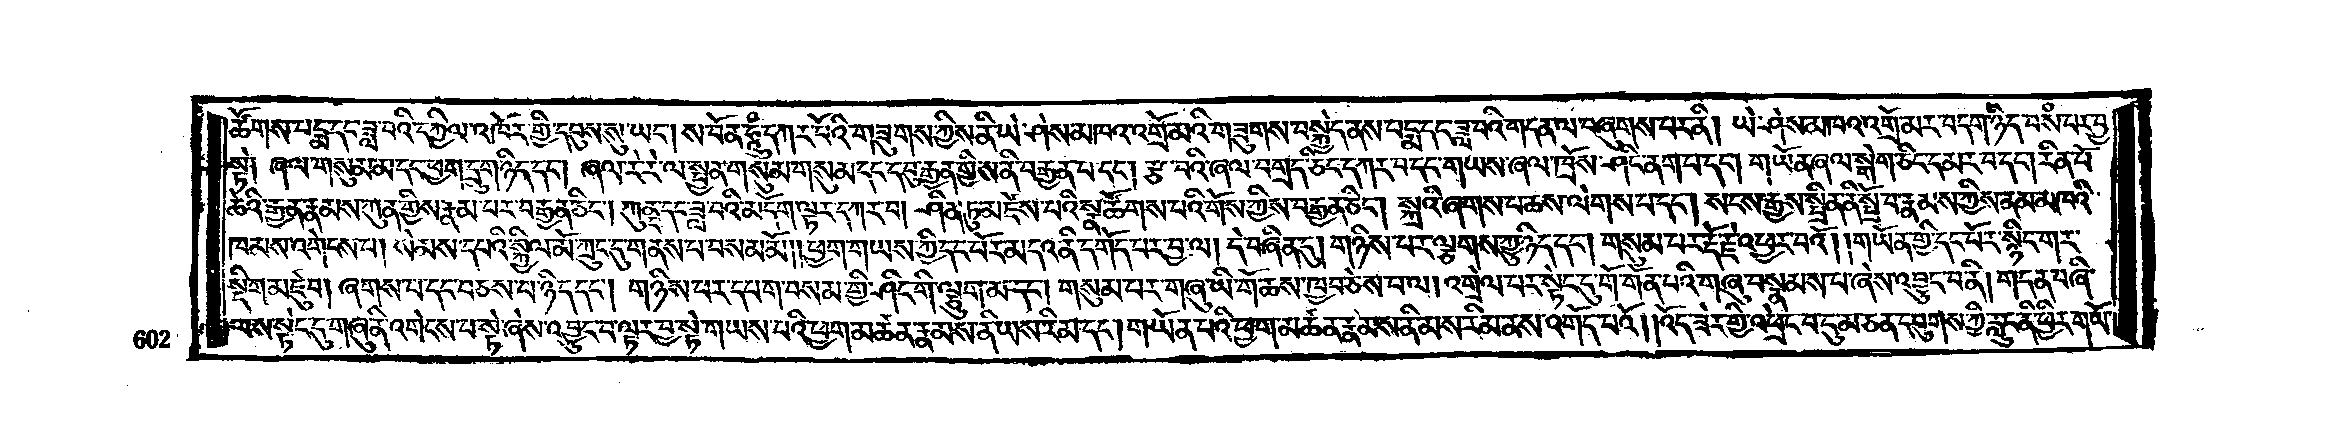ཚོགས་པདམ་དང་ཟླ་བའི་དཀྱིལ་འཁོར་གྱི་དབུས་སུ་ཡང་། ས་བོན་ཧཱུཾ་དཀར་པོའི་གཟུགས་ཀྱིས་ནི་ཡེ་ཤེས་མཁའ་འགྲོ་མའི་གཟུགས་བསྐྱེད་ནས་པདམ་དང་ཟླ་བའི་གདན་ལ་བཞུགས་པར་ནི། ཡེ་ཤེས་མཁའ་འགྲོ་མར་བདག་ཉིད་བསམ་པར་བྱ་
སྟེ། ཞལ་གསུམ་མ་དང་ཕྱག་དྲུག་ཉིད་དང་། ཞལ་རེ་རེ་ལ་སྤྱན་གསུམ་གསུམ་དང་དབུ་རྒྱན་གྱིས་ནི་བརྒྱན་པ་དང་། རྩ་བའི་ཞལ་བགྲད་ཅིང་དཀར་བ་དང་གཡས་ཞལ་ཁྲོས་ཤིང་ནག་པ་དང་། གཡོན་ཞལ་སྒེག་ཅིང་དམར་བ་དང་། རིན་པོ་
ཆེའི་རྒྱན་རྣམས་ཀུན་གྱིས་རྣམ་པར་བརྒྱན་ཅིང་། ཀུནྡ་དང་ཟླ་བའི་མདོག་ལྟར་དཀར་བ། ཤིན་ཏུ་མཛེས་པའི་སྣ་ཚོགས་པའི་གོས་ཀྱིས་བརྒྱན་ཅིང་། སྐྲའི་ཞགས་པ་ཆས་ལེགས་པ་དང་། སངས་རྒྱས་སྤྲིན་ནི་སྤྲོ་བ་རྣམས་ཀྱིས་ནམ་མཁའི་
ཁམས་འགེངས་པ། སེམས་དཔའི་སྐྱིལ་མོ་ཀྲུང་དུ་གནས་པ་བསམ་མོ། །ཕྱག་གཡས་ཀྱི་དང་པོར་མདའ་ནི་དགོད་པར་བྱ་ལ། དེ་བཞིན་དུ། གཉིས་པར་ལྕགས་ཀྱུ་ཉིད་དང་། གསུམ་པར་རྡོ་རྗེ་འཕྱར་བའོ། །གཡོན་གྱི་དང་པོར་སྙིང་གར་
སྡིག་མཛུབ། ཞགས་པ་དང་བཅས་པ་ཉིད་དང་། གཉིས་པར་དཔག་བསམ་གྱི་ཤིང་གི་ལྕུག་མ་དང་། གསུམ་པར་གཞུ་ཡི་གོ་ཆས་ཁྱབ་ཅེས་པ་ལ། འགྲེལ་པར་སྟེང་དུ་གོ་གོན་པའི་གཞུ་བསྣམས་པ་ཞེས་འབྱུང་བ་ནི། གདན་བཞི་
ལས་སྟེང་དུ་གཞུ་ནི་འགེངས་པ་སྟེ་ཞེས་འབྱུང་བ་ལྟར་བྱ་སྟེ་གཡས་པའི་ཕྱག་མཚན་རྣམས་ནི་ཡས་རིམ་དང་། གཡོན་པའི་ཕྱག་མཚན་རྣམས་ནི་མས་རིམ་ནས་འགོད་པའོ། །འོད་ཟེར་གྱི་འཕྲེང་བ་དུ་མ་ཅན་དབུགས་ཀྱི་རླུང་ནི་ཕྱིར་གཡོ་